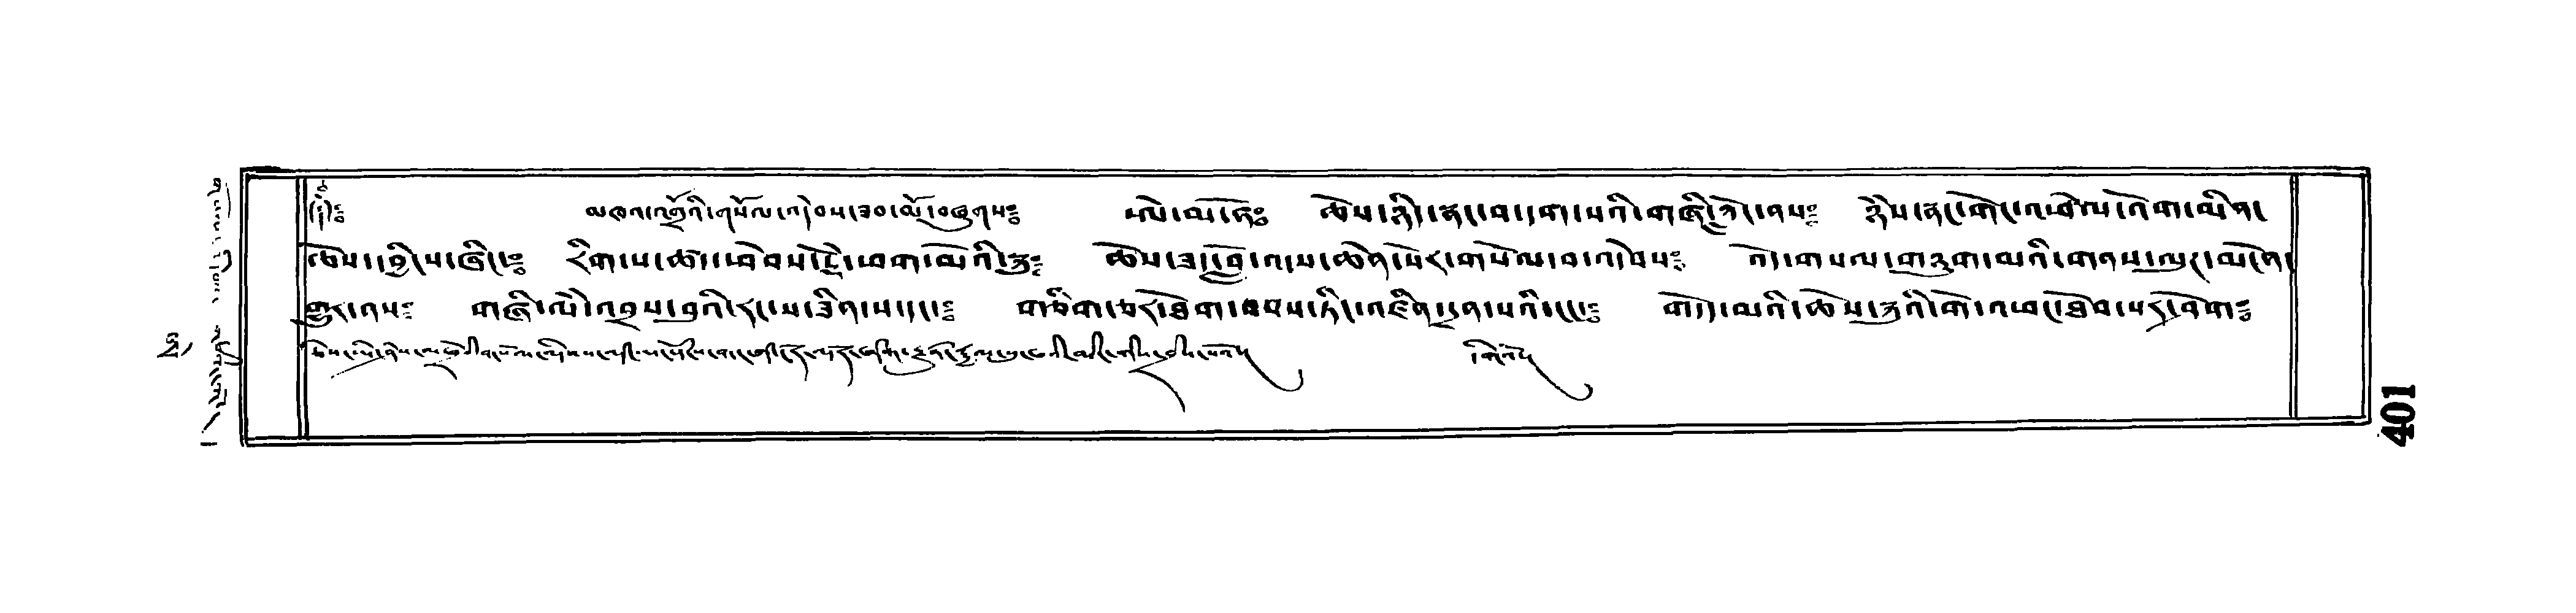མཁའ་འགྲོའི་གསོལ་འདེབས་ཟབ་མོ་བཞུགས༔ ཨེ་མ་ཧོ༔ ཆོས་ཉིད་སྣང་བ་དག་པའི་གཞི་ཀློང་ནས༔ ཉམས་སྣང་གོང་འཕེལ་འོག་མིན་
ཆོས་དབྱིངས་ཞིང༔ རིག་པ་ཚད་ཕེབས་རྡོ་རྗེ་ཕག་མོའི་སྐུ༔ ཆོས་ཟད་བློ་འདས་ཆེན་པོར་གསོལ་བ་འདེབས༔ འོད་གསལ་གཉུག་མའི་གནས་ལུགས་མངོན་
གྱུར་ནས༔ གཞི་ལམ་འབྲས་བུའི་རང་ས་ཟིན་པ་དང༔ གཅིག་ཅར་ཐོག་བབས་ཏིང་འཛིན་དྲན་པའི་ངང༔ གདོད་མའི་ཆོས་སྐུའི་གོ་འཕང་ཐོབ་པར་ཤོག༔ 
ཅེས་ཡེ་ཤེས་མཁའ་འགྲོའི་གསོལ་འདེབས་འདི་ཡང་དམ་པ་གང་གི་ངོར་མདོར་བསྡུས་ཞིག་རྫུན་རྐྱལ་སུ་ཁའི་མིང་གིས་བྲིས་པའོ།།